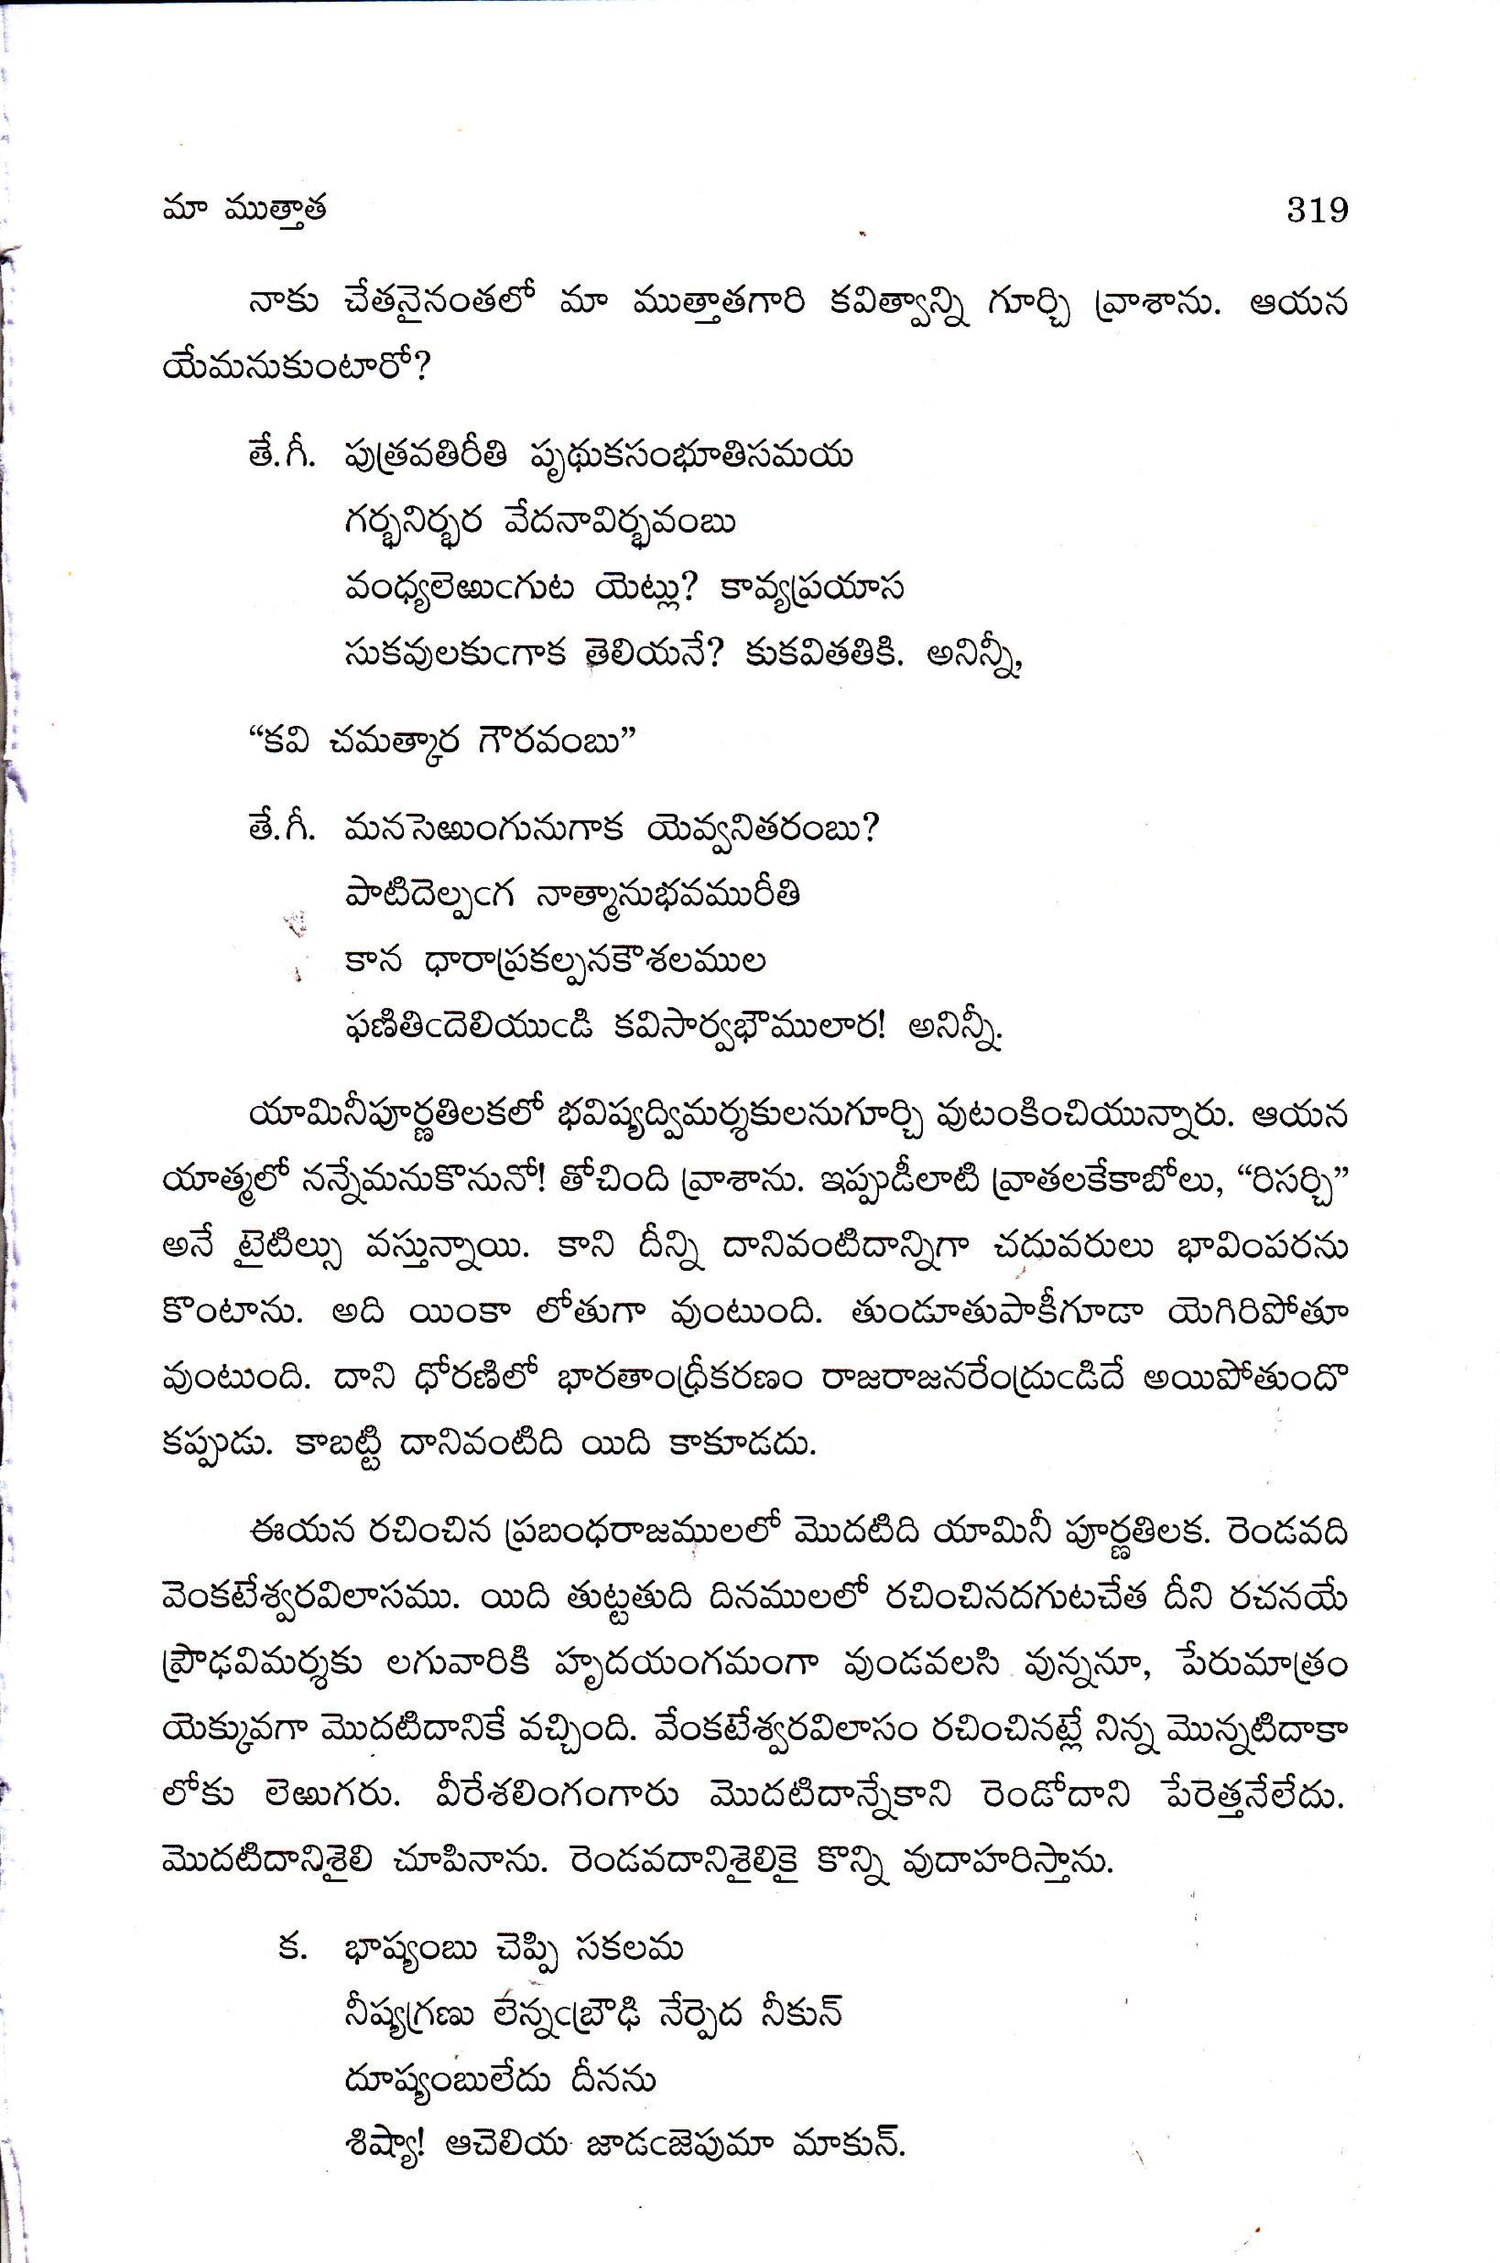నాకు చేతనైనంతలో మా ముత్తాతగారి కవిత్వాన్ని గూర్చి వ్రాశాను. ఆయన యేమనుకుంటారో?

తే.గీ. పుత్రవతిరీతి పృథుకసంభూతిసమయ 
 గర్భనిర్భర వేదనావిర్భవంబు 
 వంధ్యలెఱుఁగుట యెట్లు? కావ్యప్రయాస 
 సుకవులకుఁగాక తెలియనే? కుకవితతికి. అనిన్నీ
“కవి చమత్కార గౌరవంబు”

తే.గీ. మనసెఱుంగునుగాక యెవ్వనితరంబు? 
 పాటిదెల్పఁగ నాత్మానుభవమురీతి
 కాన ధారాప్రకల్పనకౌశలముల 
 ఫణితిఁదెలియుఁడి కవిసార్వభౌములార! అనిన్నీ
యామినీపూర్ణతిలకలో భవిష్యద్విమర్శకులనుగూర్చి వుటంకించియున్నారు. ఆయన యాత్మలో నన్నేమనుకొనునో! తోచింది వ్రాశాను. ఇప్పడీలాటి వ్రాతలకేకాబోలు, “రిసర్చి" అనే టైటిల్సు వస్తున్నాయి. కాని దీన్ని దానివంటిదాన్నిగా చదువరులు భావింపరను కొంటాను. అది యింకా లోతుగా వుంటుంది. తుండూతుపాకీగూడా యెగిరిపోతూ వుంటుంది. దాని ధోరణిలో భారతాంద్రీకరణం రాజరాజనరేంద్రుఁడిదే అయిపోతుందొకప్పుడు. కాబట్టి దానివంటిది యిది కాకూడదు.

ఈయన రచించిన ప్రబంధరాజములలో మొదటిది యామినీ పూర్ణతిలక. రెండవది వెంకటేశ్వరవిలాసము. యిది తుట్టతుది దినములలో రచించినదగుటచేత దీని రచనయే ప్రౌఢవిమర్శకు లగువారికి హృదయంగమంగా వుండవలసి వున్ననూ, పేరుమాత్రం యెక్కువగా మొదటిదానికే వచ్చింది. వేంకటేశ్వరవిలాసం రచించినట్లే నిన్న మొన్నటిదాకా లోకు లెఱుగరు. వీరేశలింగంగారు మొదటిదాన్నేకాని రెండోదాని పేరెత్తనేలేదు. మొదటిదాని శైలి చూపినాను. రెండవదానిశైలికై కొన్ని వుదాహరిస్తాను.

క. భాష్యంబు చెప్పి సకలమ
 నీష్యగ్రణు లెన్నఁబ్రౌఢి నేర్పెద నీకున్ 
 దూష్యంబులేదు దీనను 
 శిష్యా! ఆచెలియ జాడఁజెపుమా మాకున్.